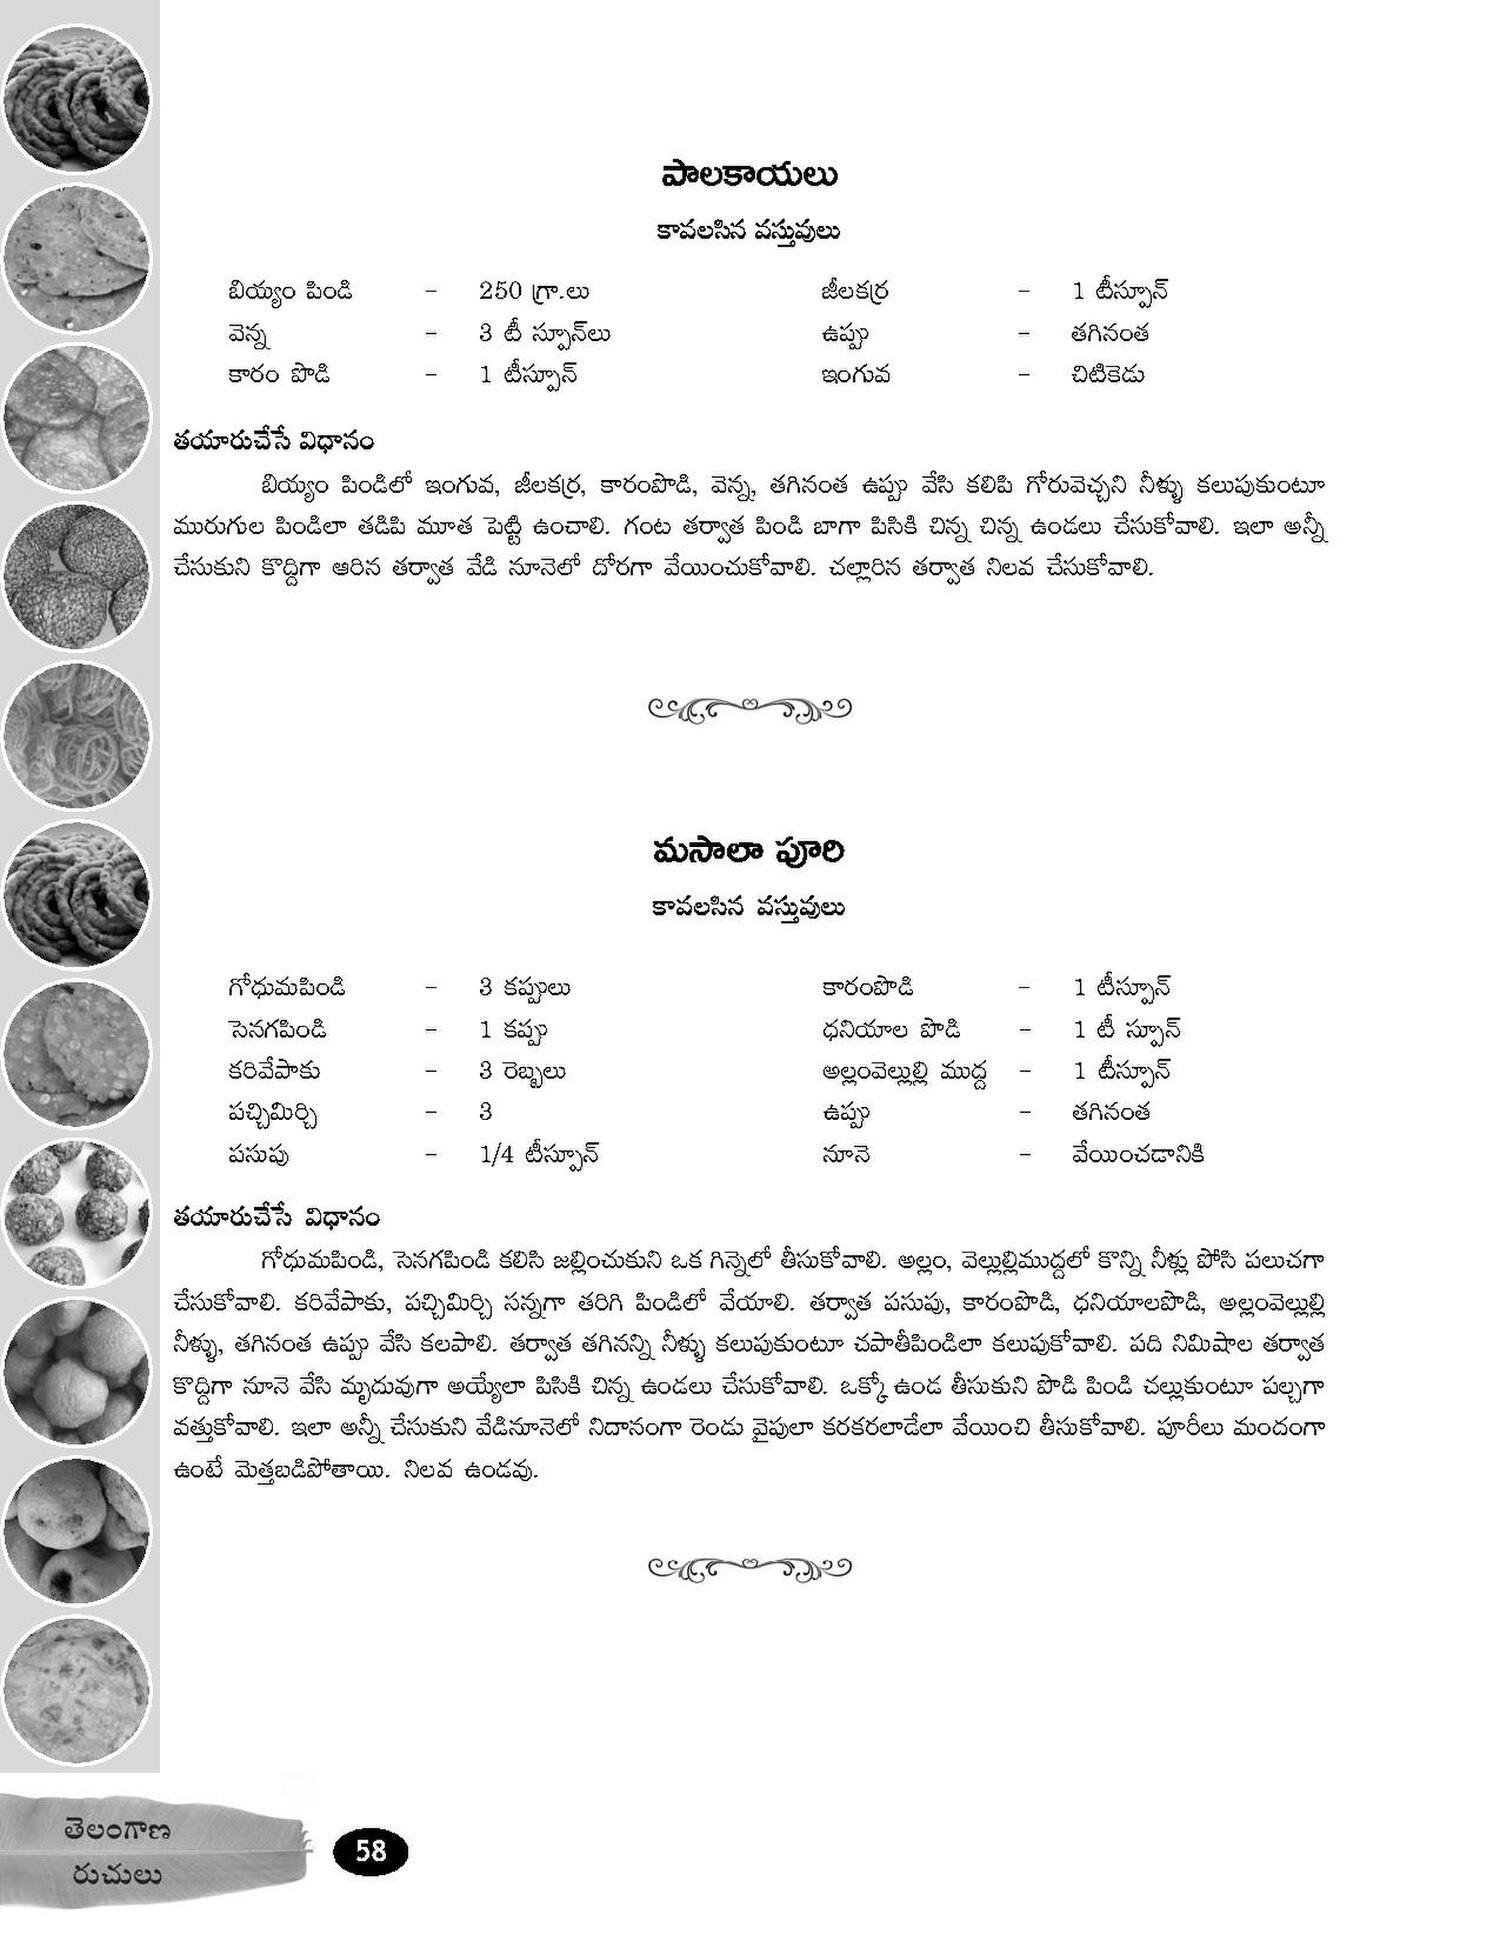+ కావలసిన వస్తువులు బియ్యం పిండి 250 గ్రా.లు. వెన్న 3 టీ స్పూన్లు. ఇంగువ చిటికెడు కారంపొడి 1 టీస్పూన్ ఉప్పు తగినంత జీలకర్ర 2 టీ స్పూన్లు

తయారుచేసే విధానం 

బియ్యం పిండిలో ఇంగువ, జీలకర్ర, కారంపొడి, వెన్న, తగినంత ఉప్పు వేసి కలిపి గోరువెచ్చని నీళ్ళు కలుపుకుంటూ
మురుగుల పిండిలా తడిపి మూత పెట్టి ఉంచాలి. గంట తర్వాత పిండి బాగా పిసికి చిన్న చిన్న ఉండలు చేసుకోవాలి. ఇలా అన్నీ చేసుకుని కొద్దిగా ఆరిన తర్వాత వేడి నూనెలో దోరగా వేయించుకోవాలి. చల్లారిన తర్వాత నిలవ చేసుకోవాలి.

+ కావలసిన వస్తువులు గొధుమ పిండి 3 కప్పులు. సెనగపిండి 1 కప్పు. కరివేపాకు 3 రెబ్బలు పచ్చిమిర్చి 3 కారంపొడి 1 టీస్పూన్ పసుపు 1/4 టీస్పూన్ ఉప్పు తగినంత నూనె వేయించడానికి ధనియాల పొడి 1 టీస్పూన్ అల్లం వెల్లుల్లి ముద్ద 1 టీస్పూన్

తయారుచేసే విధానం 

గోధుమపిండి, సెనగపిండి కలిసి జల్లించుకుని ఒక గిన్నెలో తీసుకోవాలి. అల్లం, వెల్లుల్లిముద్దలో కొన్ని నీళ్లు పోసి పలుచగా చేసుకోవాలి. కరివేపాకు, పచ్చిమిర్చి సన్నగా తరిగి పిండిలో వేయాలి. తర్వాత పసుపు, కారంపొడి, ధనియాల పొడి, అల్లంవెల్లుల్లి నీళ్ళు, తగినంత ఉప్పు వేసి కలపాలి. తర్వాత తగినన్ని నీళ్ళు కలుపుకుంటూ చపాతీపిండిలా కలుపుకోవాలి. పది నిమిషాల తర్వాత కొద్దిగా నూనె వేసి మృదువుగా అయ్యేలా పిసికి చిన్న ఉండలు చేసుకోవాలి. ఒక్కో ఉండ తీసుకుని పొడి పిండి చల్లుకుంటూ పల్చగా వత్తుకోవాలి. ఇలా అన్నీ చేసుకుని వేడినూనెలో నిదానంగా రెండు వైపులా కరకరలాడేలా వేయించి తీసుకోవాలి. పూరీలు మందంగా ఉంటే మెత్తబడిపోతాయి. నిలవ ఉండవు.